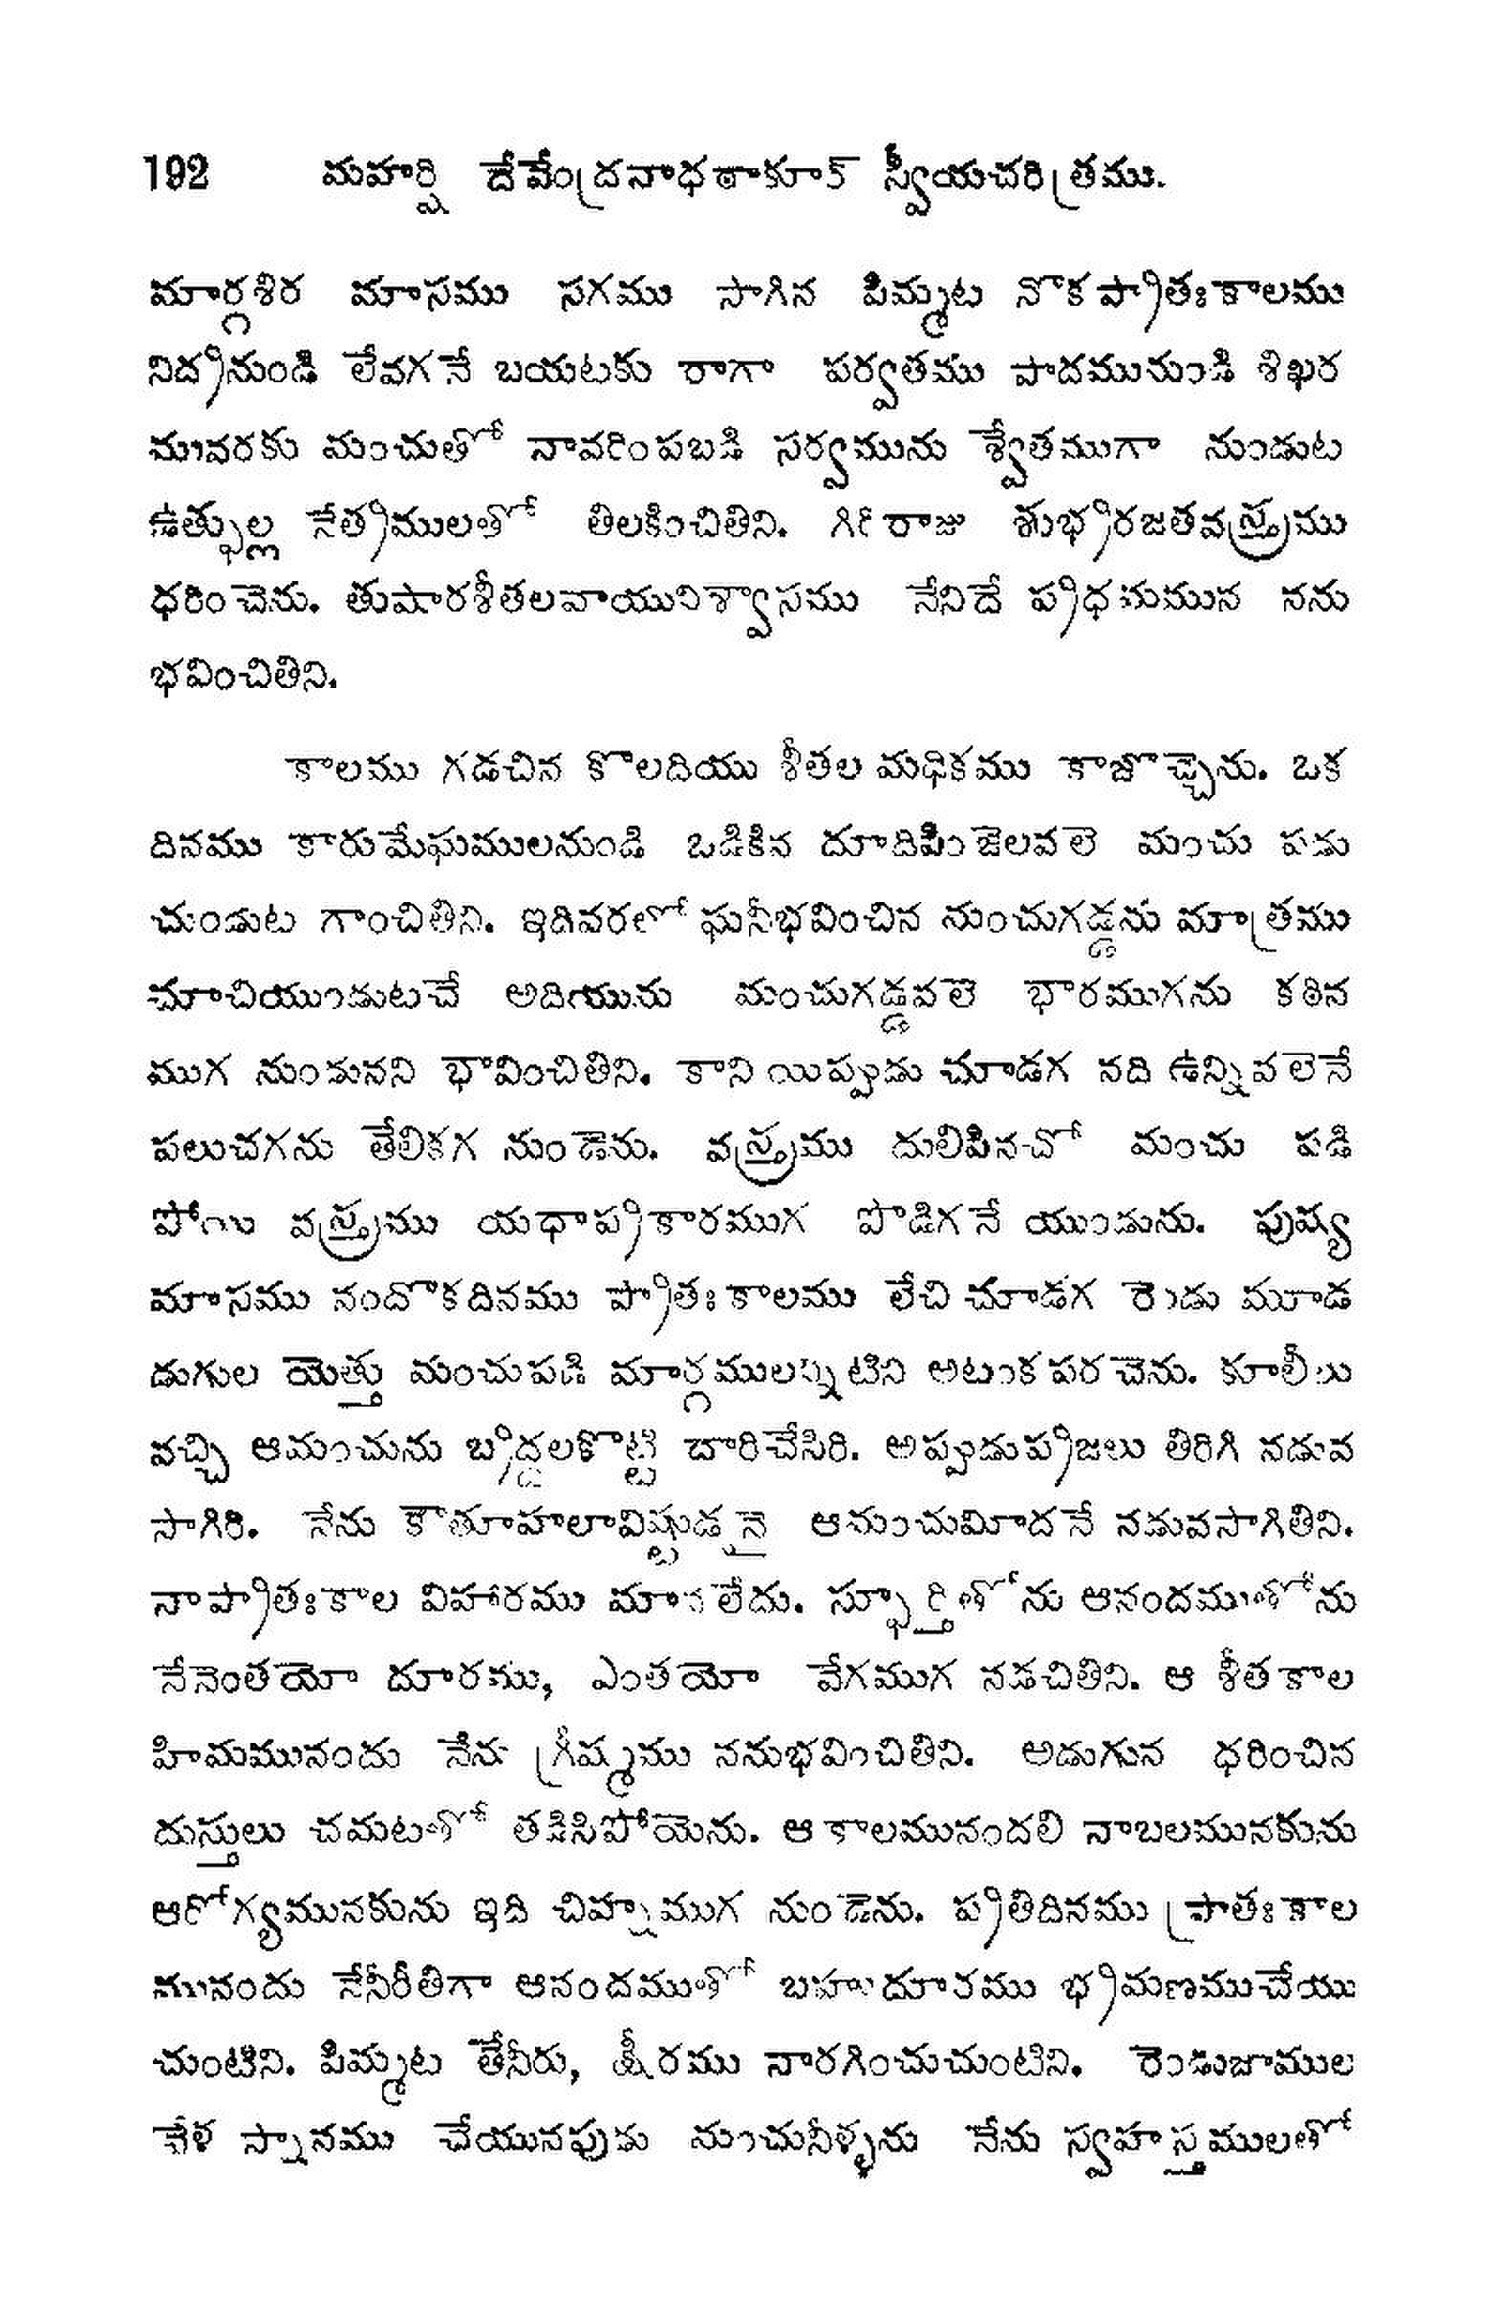మార్గశిర మాసము సగము సాగిన పిమ్మట నొక ప్రాతః కాలము
నిద్రనుండి లేవగనే బయటకు రాగా పర్వతము పాదమును , శిఖర
మువరకు మంచుతో నావరింపబడి సర్వమును శ్వేతముగా నుండుట
ఉత్ఫుల్ల నేత్ర ములతో తిలకించితిని.గిరిరాజు శుభ్ర రజతవస్త్రము
ధరించెను. తుషార శీతల వాయు నిశ్వాసము నేనిదే ప్రధమమున నను
భవించితిని.

కాలము గడచిన కొలదియు శీతల మధికము కాజొచ్చెను. ఒక
దినము కారు మేఘముల నుండి ఒడికిన దూది పింజెలవలె మంచు పడు
చుండుట గాంచితిని. ఇదివరలో ఘనీభవించిన మంచుగడ్డను మాత్రము
చూచియుండుటచే అదియును మంచుగడ్డవలె భారముగను కఠినముగ 
నుండునని భావించితిని. కాని ఇప్పుడు చూడగ నది ఉన్నివలెనే
పలుచగను తేలికగ నుండెను. వస్త్రము దులిపినచో మంచు పడి
పోయి వస్త్రము యధాప్రకారముగ పొడిగ నే యుండును. పుష్య
మాసము నందొక దినము పొతః కాలము లేచి చూడగ రెండు మూడ
డుగుల యెత్తు మంచుపడి మార్గములన్న టీని ఆటంకపరచెను. కూలీ
వచ్చి ఆమంచును బద్దలకొట్టి దారి చేసిరి. అప్పుడు ప్రజలు తిరిగి నడువ
సాగిరి. నేను కౌతూహలావిష్టుడనై అమంచుమీదనే నడువసాగితిని.
నాప్రాతః కాల విహారము మాన లేదు. స్ఫూర్తితోను ఆనందము తోను
నేనెంతయో దూరము, ఎంతయో వేగముగ నడచితిని. ఆ శీతకాల
హిమమునందు నేను గ్రీష్మము ననుభవించితిని. అడుగున ధరించిన
దుస్తులు చమటతో తడిసిపోయెను. ఆ కాలమునందలి నాబలమునకును
ఆరోగ్యమునకును ఇది చిహ్నముగ నుండెను. ప్రతిదినము ప్రాతః కాల
మునందు నేనీరీతిగా ఆనందముతో బహుదూరము భ్రమణము చేయు
చుంటిని. పిమ్మట తేనీరు, క్షీరము నారగించుచుంటిని. రెండు జాముల
వేళ స్నానము చేయునపుడునుంచునీళ్ళను 'నేను స్వహస్తములతో